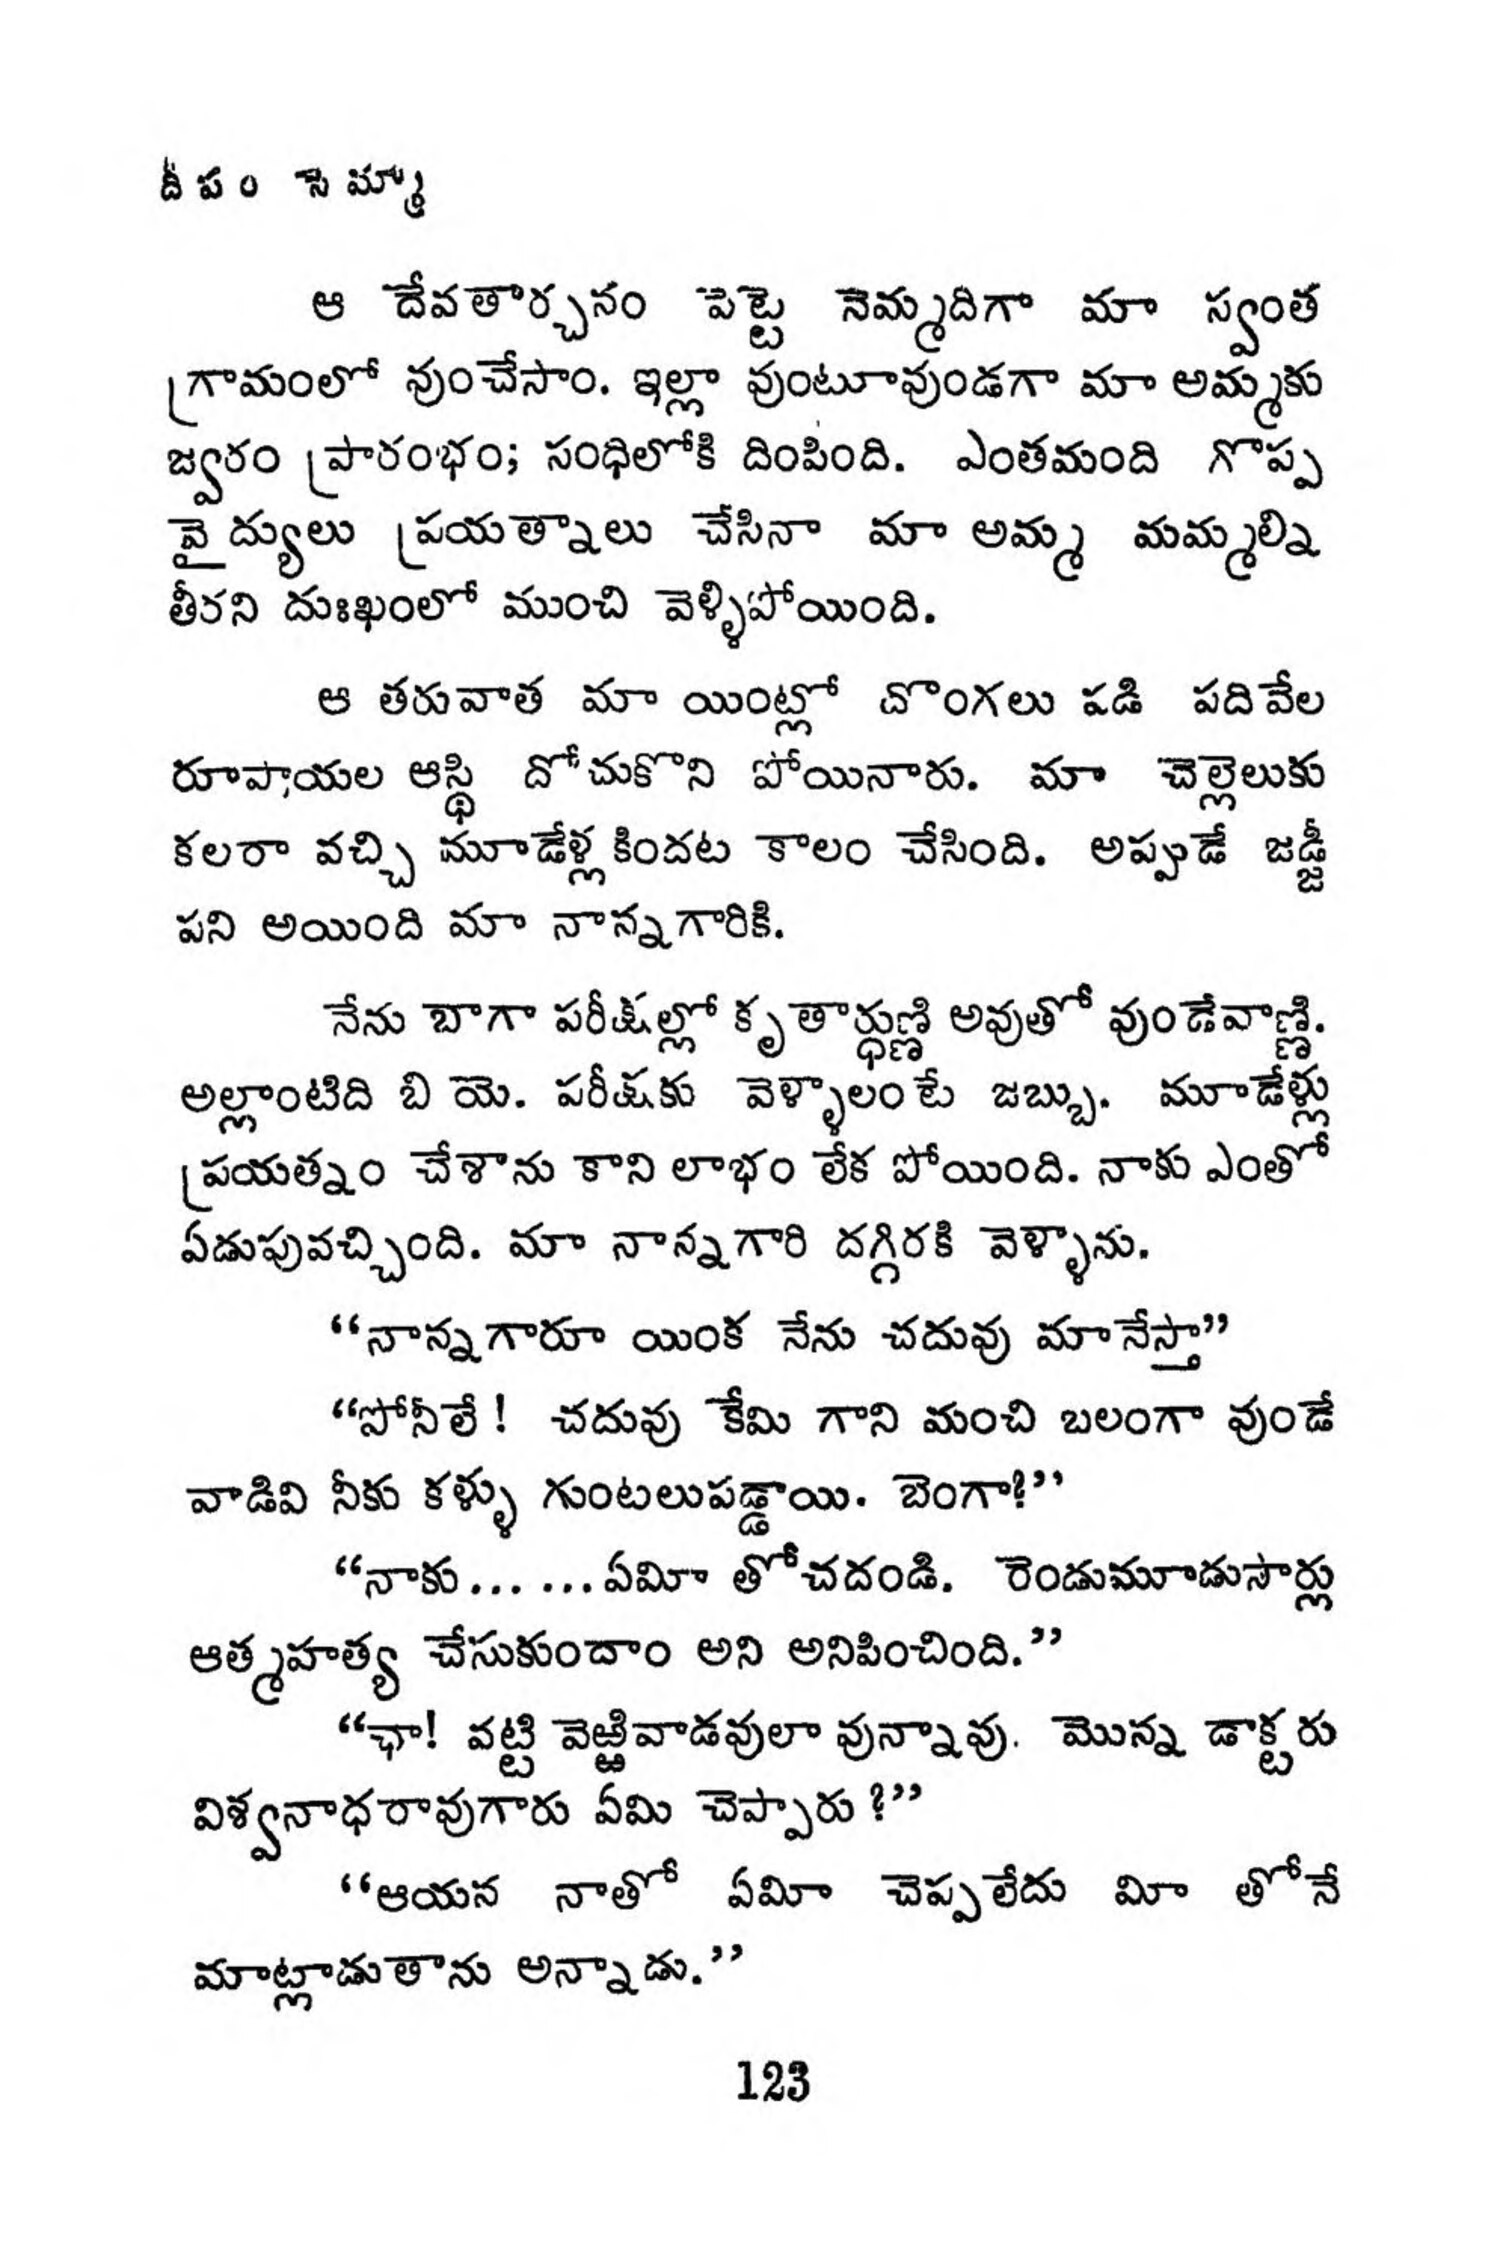ఆ దేవతార్చనం పెట్టె నెమ్మదిగా మా స్వంత గ్రామంలో వుంచేసాం. ఇల్లా వుంటూవుండగా మా అమ్మకు జ్వరం ప్రారంభం; సంధిలోకి దింపింది. ఎంతమంది గొప్ప వైద్యులు ప్రయత్నాలు చేసినా మా అమ్మ మమ్మల్ని తీరని దుఃఖంలో ముంచి వెళ్ళిపోయింది.

ఆ తరవాత మా యింట్లో దొంగలు పడి పదివేల రూపాయల ఆస్థి దోచుకొని పోయినారు. మా చెల్లెలుకు కలరా వచ్చి మూడేళ్లకిందట కాలం చేసింది. అప్పుడే జడ్జీ పని అయింది మా నాన్నగారికి.

నేను బాగా పరీక్షల్లో కృతార్థుణ్ణి అవుతో వుండేవాణ్ణి. అల్లాంటిది బి యె. పరీక్షకు వెళ్ళాలంటే జబ్బు. మూడేళ్లు ప్రయత్నం చేశాను కాని లాభం లేకపోయింది. నాకు ఎంతో ఏడుపువచ్చింది. మా నాన్నగారి దగ్గరకి వెళ్ళాను.

"నాన్నగారూ యింక నేను చదువు మానేస్తా"

"పోనీలే! చదువు కేమి గాని మంచి బలంగా వుండే వాడివి నీకు కళ్ళు గుంటలుపడ్డాయి. బెంగా?"

"నాకు... ...ఏమీ తోచదండి. రెండుమూడుసార్లు ఆత్మహత్య చేసుకుందాం అని అనిపించింది."

"ఛా! వట్టి వెఱ్ఱివాడవులా వున్నావు. మొన్న డాక్టరు విశ్వనాధరావుగారు ఏమి చెప్పారు?"

"ఆయన నాతో ఏమీ చెప్పలేదు మీ తోనే మాట్లాడుతాను అన్నాడు."